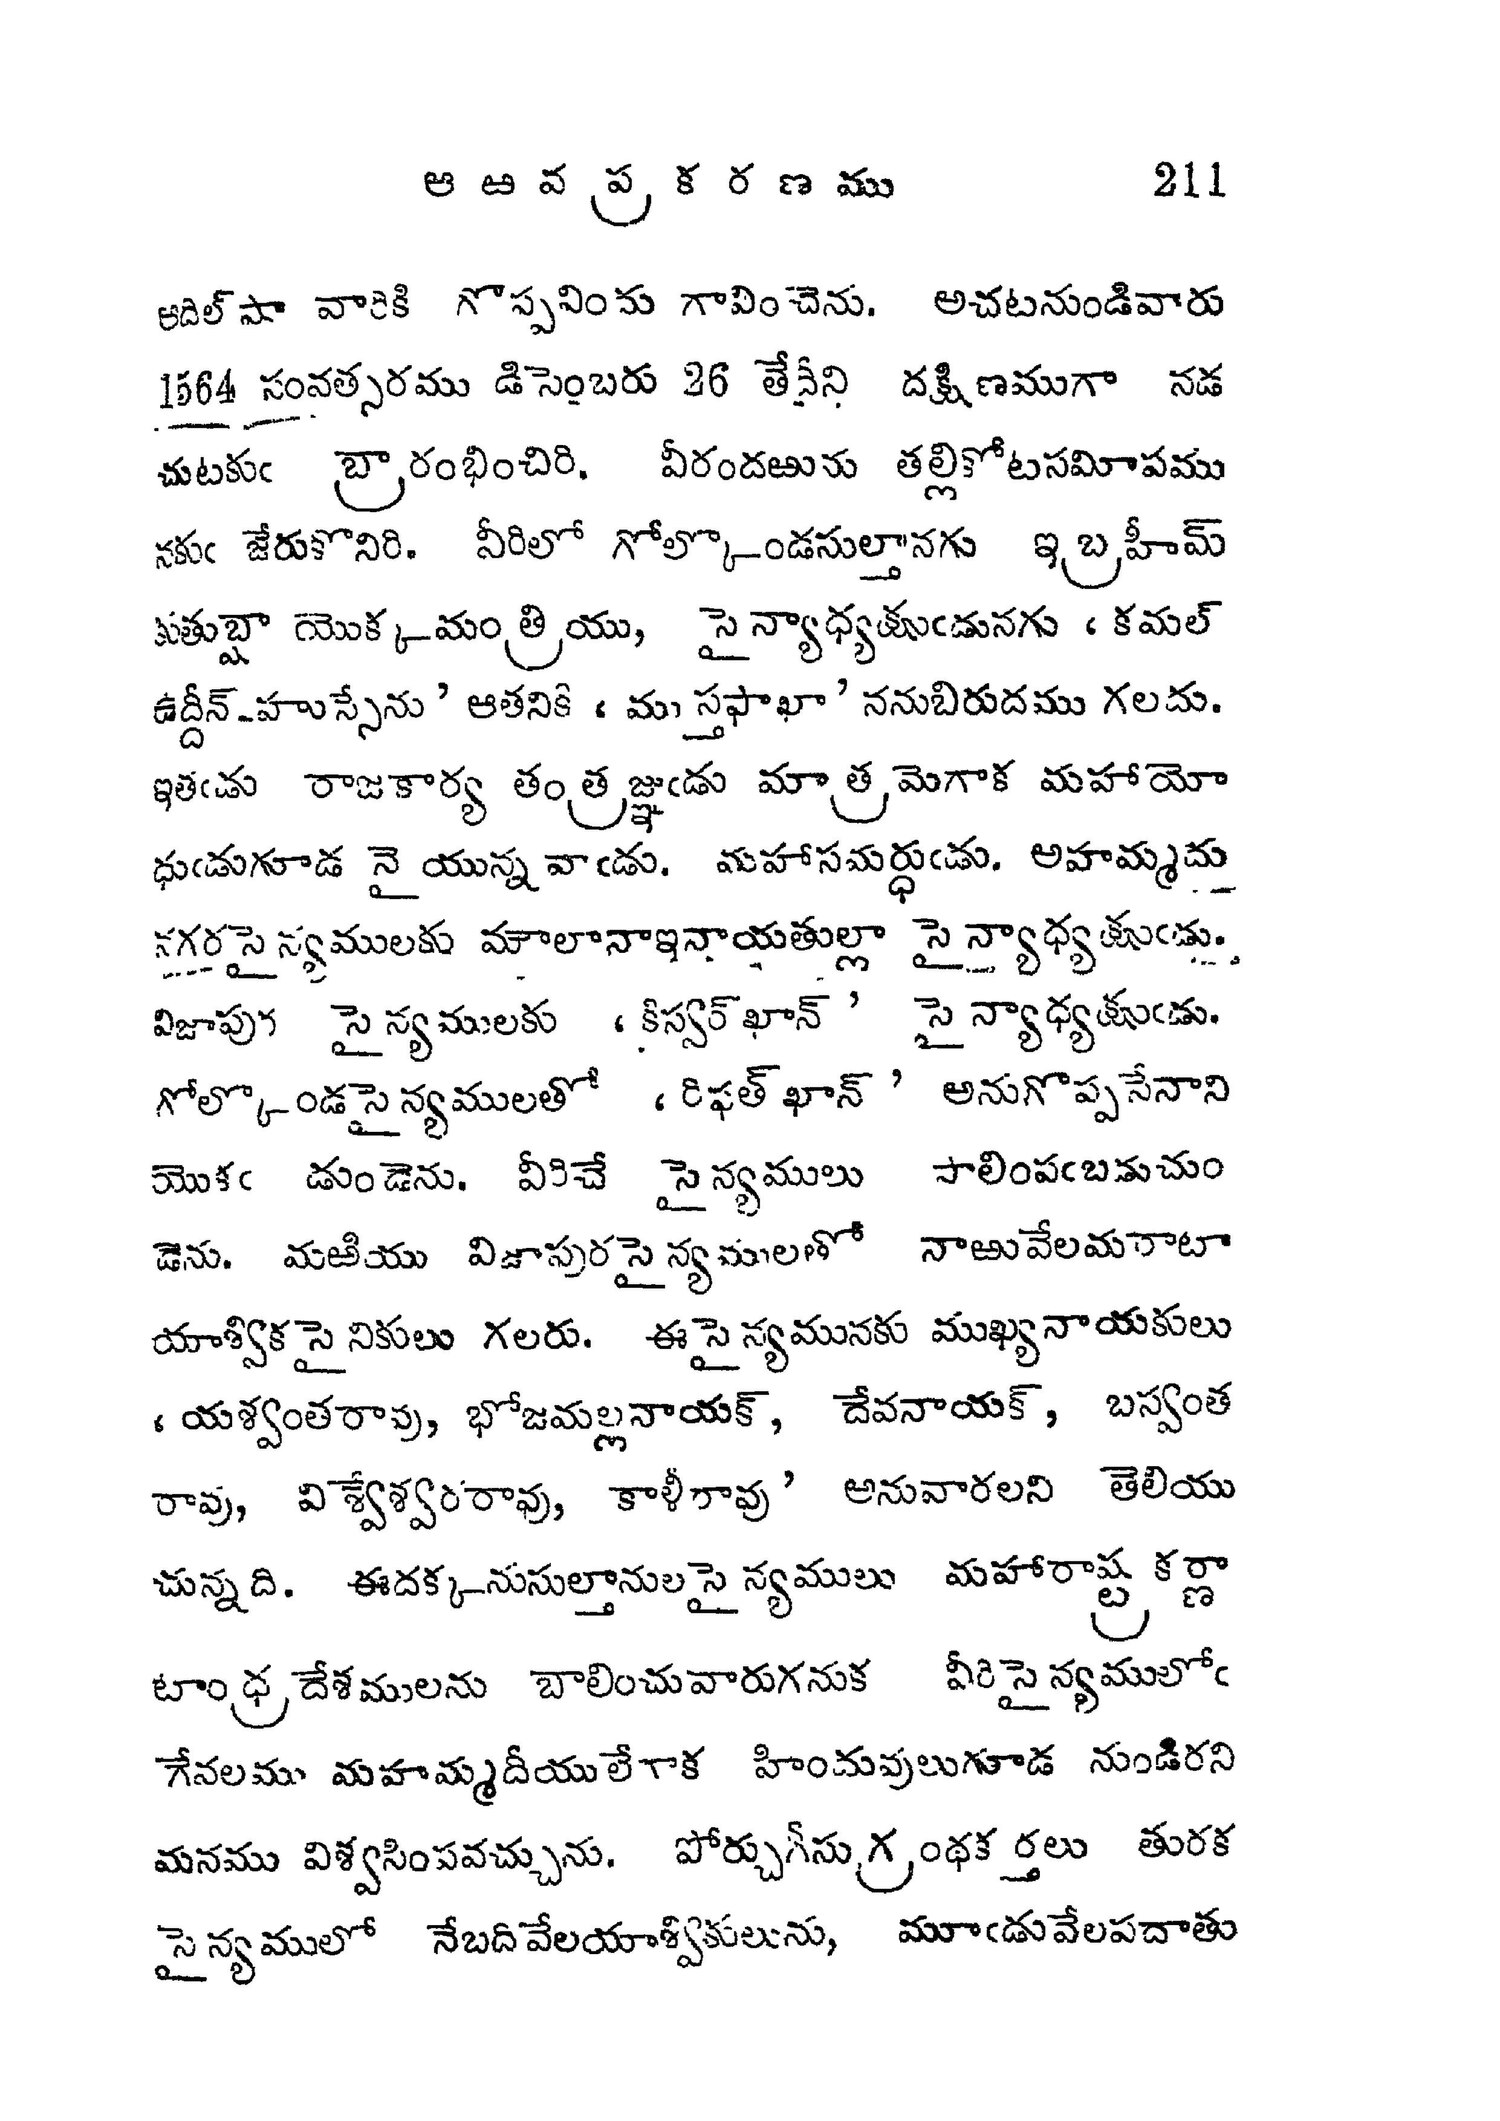ఆదిల్‌షా వారికి గొప్పవిందు గావించెను. అచటనుండివారు 1564 సంవత్సరము డిసెంబరు 26 తేదీని దక్షిణముగా నడచుటకు బ్రారంభించిరి. వీరందఱును తల్లికోటసమీపమునకు జేరుకొనిరి. వీరిలో గోల్కొండసుల్తానగు ఇబ్రహీమ్‌కుతుబ్షా యొక్కమంత్రియు, సైన్యాధ్యక్షుడునగు 'కమల్‌ఉద్దీన్ - హుస్సేను' ఆతనికి 'ముస్తఫాఖా' ననుబిరుదము గలదు. ఇతడు రాజకార్య తంత్రజ్ఞుడు మాత్రమెగాక మహాయోధుడుగూడ నైయున్నవాడు. మహాసమర్ధుడు. అహమ్మదునగరసైన్యములకు మౌలానాఇనాయతుల్లా సైన్యాధ్యక్షుడు. విజాపుర సైన్యములకు 'కిన్వర్‌ఖాన్‌' సైన్యాధ్యక్షుడు. గోల్కొండసైన్యములతో 'రిఫత్‌ఖాన్‌' అనుగొప్పసేనాని యొక డుండెను. వీరిచే సైన్యములు పాలింపబడుచుండెను. మఱియు విజాపురసైన్యములతో నాఱువేల మరాటా యాశ్వికసైనికులు గలరు. ఈసైన్యమునకు ముఖ్యనాయకులు 'యశ్వంతరావు, భోజమల్లనాయక్, దేవనాయక్, బస్వంతరావు, విశ్వేశ్వరరావు, కాశీరావు' అనువారలని తెలియుచున్నది. ఈదక్కనుసుల్తానులసైన్యములు మహారాష్ట్ర కర్ణాటాంధ్రదేశములను బాలించువారుగనుక వీరిసైన్యములో గేవలము మహమ్మదీయులేగాక హిందువులుగూడ నుండిరని మనము విశ్వసింపవచ్చును. పోర్చుగీసుగ్రంథకర్తలు తురక సైన్యములో నేబదివేలయాశ్వికులును, మూడువేలపదాతు